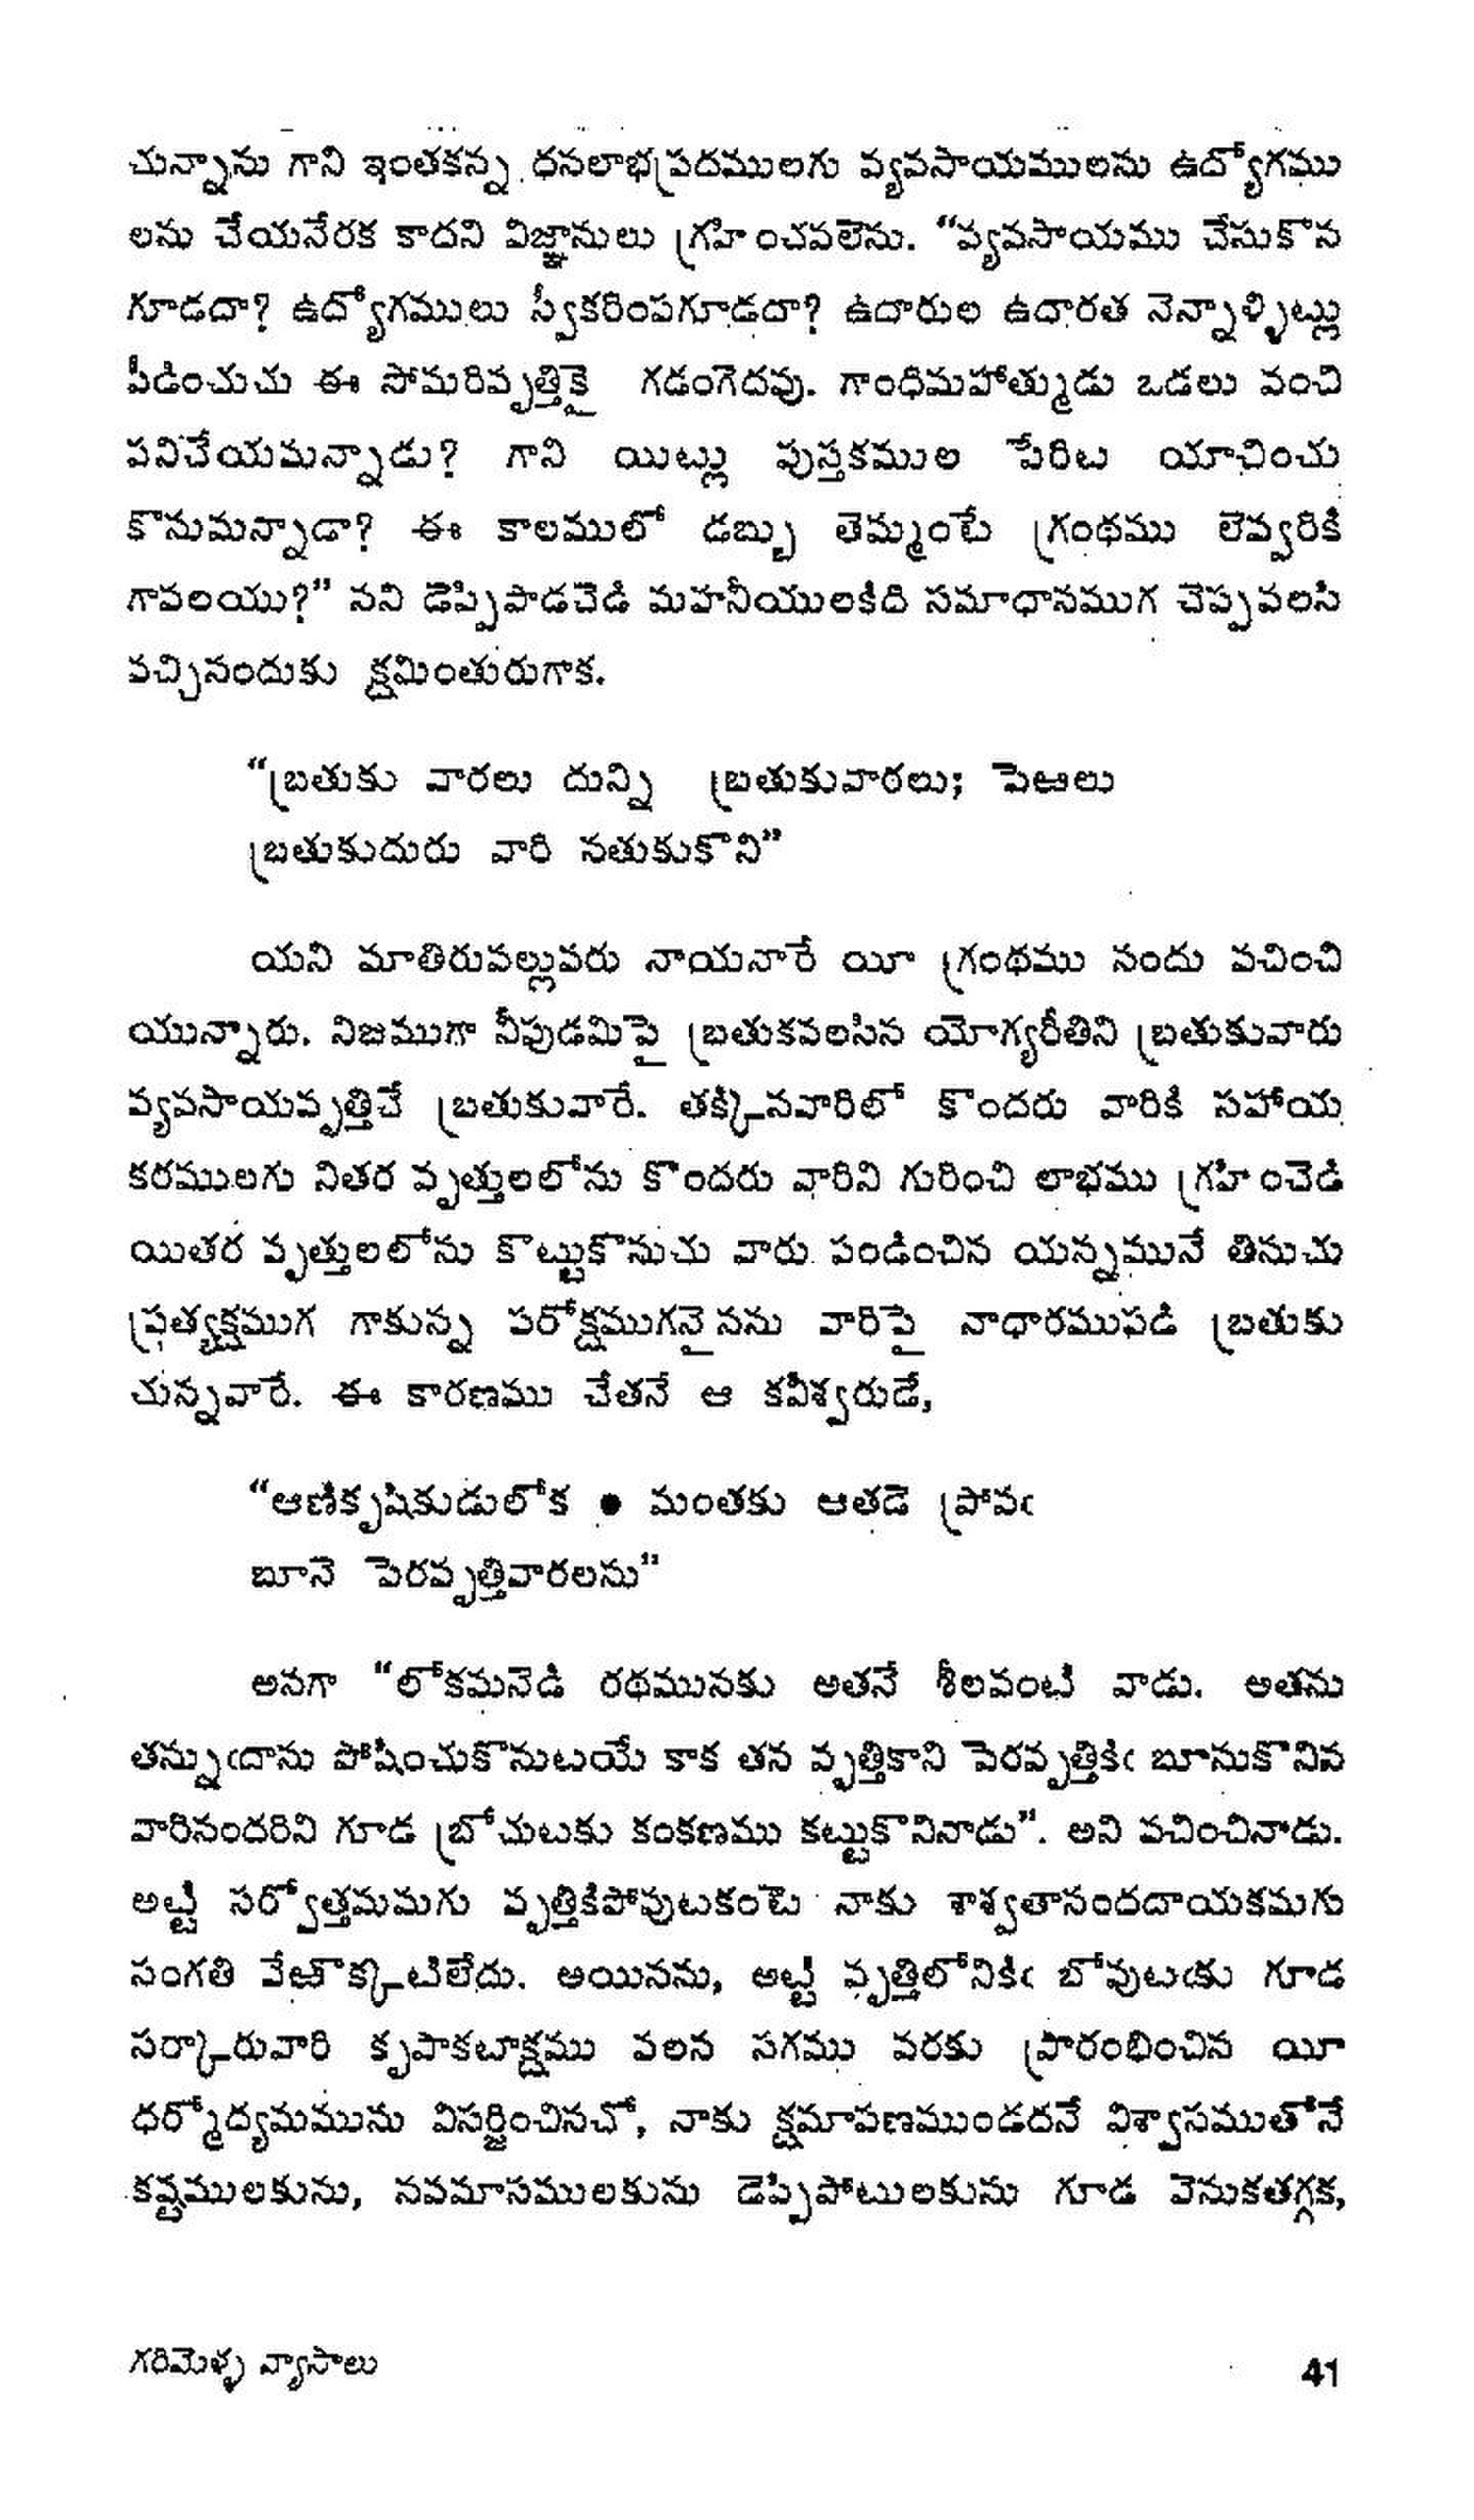చున్నాను గాని ఇంతకన్న ధనలాభప్రదములగు వ్యవసాయములను ఉద్యోగములను చేయనేరక కాదని విజ్ఞానులు గ్రహించవలెను. "వ్యవసాయము చేసుకొన గూడదా? ఉద్యోగములు స్వీకరింపగూడదా? ఉదారుల ఉదారత నెన్నాళ్ళిట్లు పీడించుచు ఈ సోమరివృత్తికై గడంగెదవు. గాంధిమహాత్ముడు ఒడలు వంచి పనిచేయమన్నాడు? గాని యిట్లు పుస్తకముల పేరిట యాచించు కొనుమన్నాడా? ఈ కాలములో డబ్బు తెమ్మంటే గ్రంథము లెవ్వరికి గావలయు?" నని డెప్పిపాడచెడి మహనీయులకిది సమాధానముగా చెప్పవలసివచ్చినందుకు క్షమింతురుగాక.

"బ్రతుకు వారలు దున్ని బ్రతుకువారలు; పెఱలు
బ్రతుకుదురు వారి నతుకుకొని"

యని మాతిరువల్లువరు నాయనారే యీ గ్రంథము నందు వచించి యున్నారు. నిజముగా నీపుడమిపై బ్రతుకవలసిన యోగ్యరీతిని బ్రతుకువారు వ్యవసాయవృత్తిచే బ్రతుకువారే. తక్కినవారిలో కొందరు వారికి సహాయకరములగు నితర వృత్తులలోను కొందరు వారిని గురించి లాభము గ్రహించెడి యితర వృత్తులలోను కొట్టుకొనుచు వారు పండించిన యన్నముమే తినుచు ప్రత్యక్షముగ గాకున్న పరోక్షముగనైనను వారిపై నాధారముపడి బ్రతుకుచున్నవారే. ఈ కారణము చేతనే ఆ కవీశ్వరుడే.

"ఆణికృషికుడులోక మంతకు అతడే ప్రోవఁ
బూనె పెరవృత్తివారలను"

అనగా "లోకమనెడి రథమునకు అతనే శీలవంటి వాడు. అతను తన్నుఁదాను పోషించుకొనుటయే కాక తన వృత్తికాని పెరవృత్తికిఁ బూనుకొనిన వారినందరిని గూడ బ్రోచుటకు కంకణము కట్టుకొనినాడు." అని వచించినాడు. అట్టి సర్వోత్తమమగు వృత్తికిపోవుటకంటె నాకు శాశ్వతానందదాయకమగు సంగతి వేఱొక్కటిలేదు. అయినను, అట్టి వృత్తిలోనికిఁ బోవుటకు గూడ సర్కారువారి కృపాకటాక్షము వలన సగము వరకు ప్రారంభించిన యీ ధర్మోద్యమమును విసర్జించినచో, నాకు క్షమాపణముండదనే విశ్వాసముతోనే కష్టములకును, నవమాసములకును డెప్పిపోటులకును గూడ వెనుకతగ్గక,